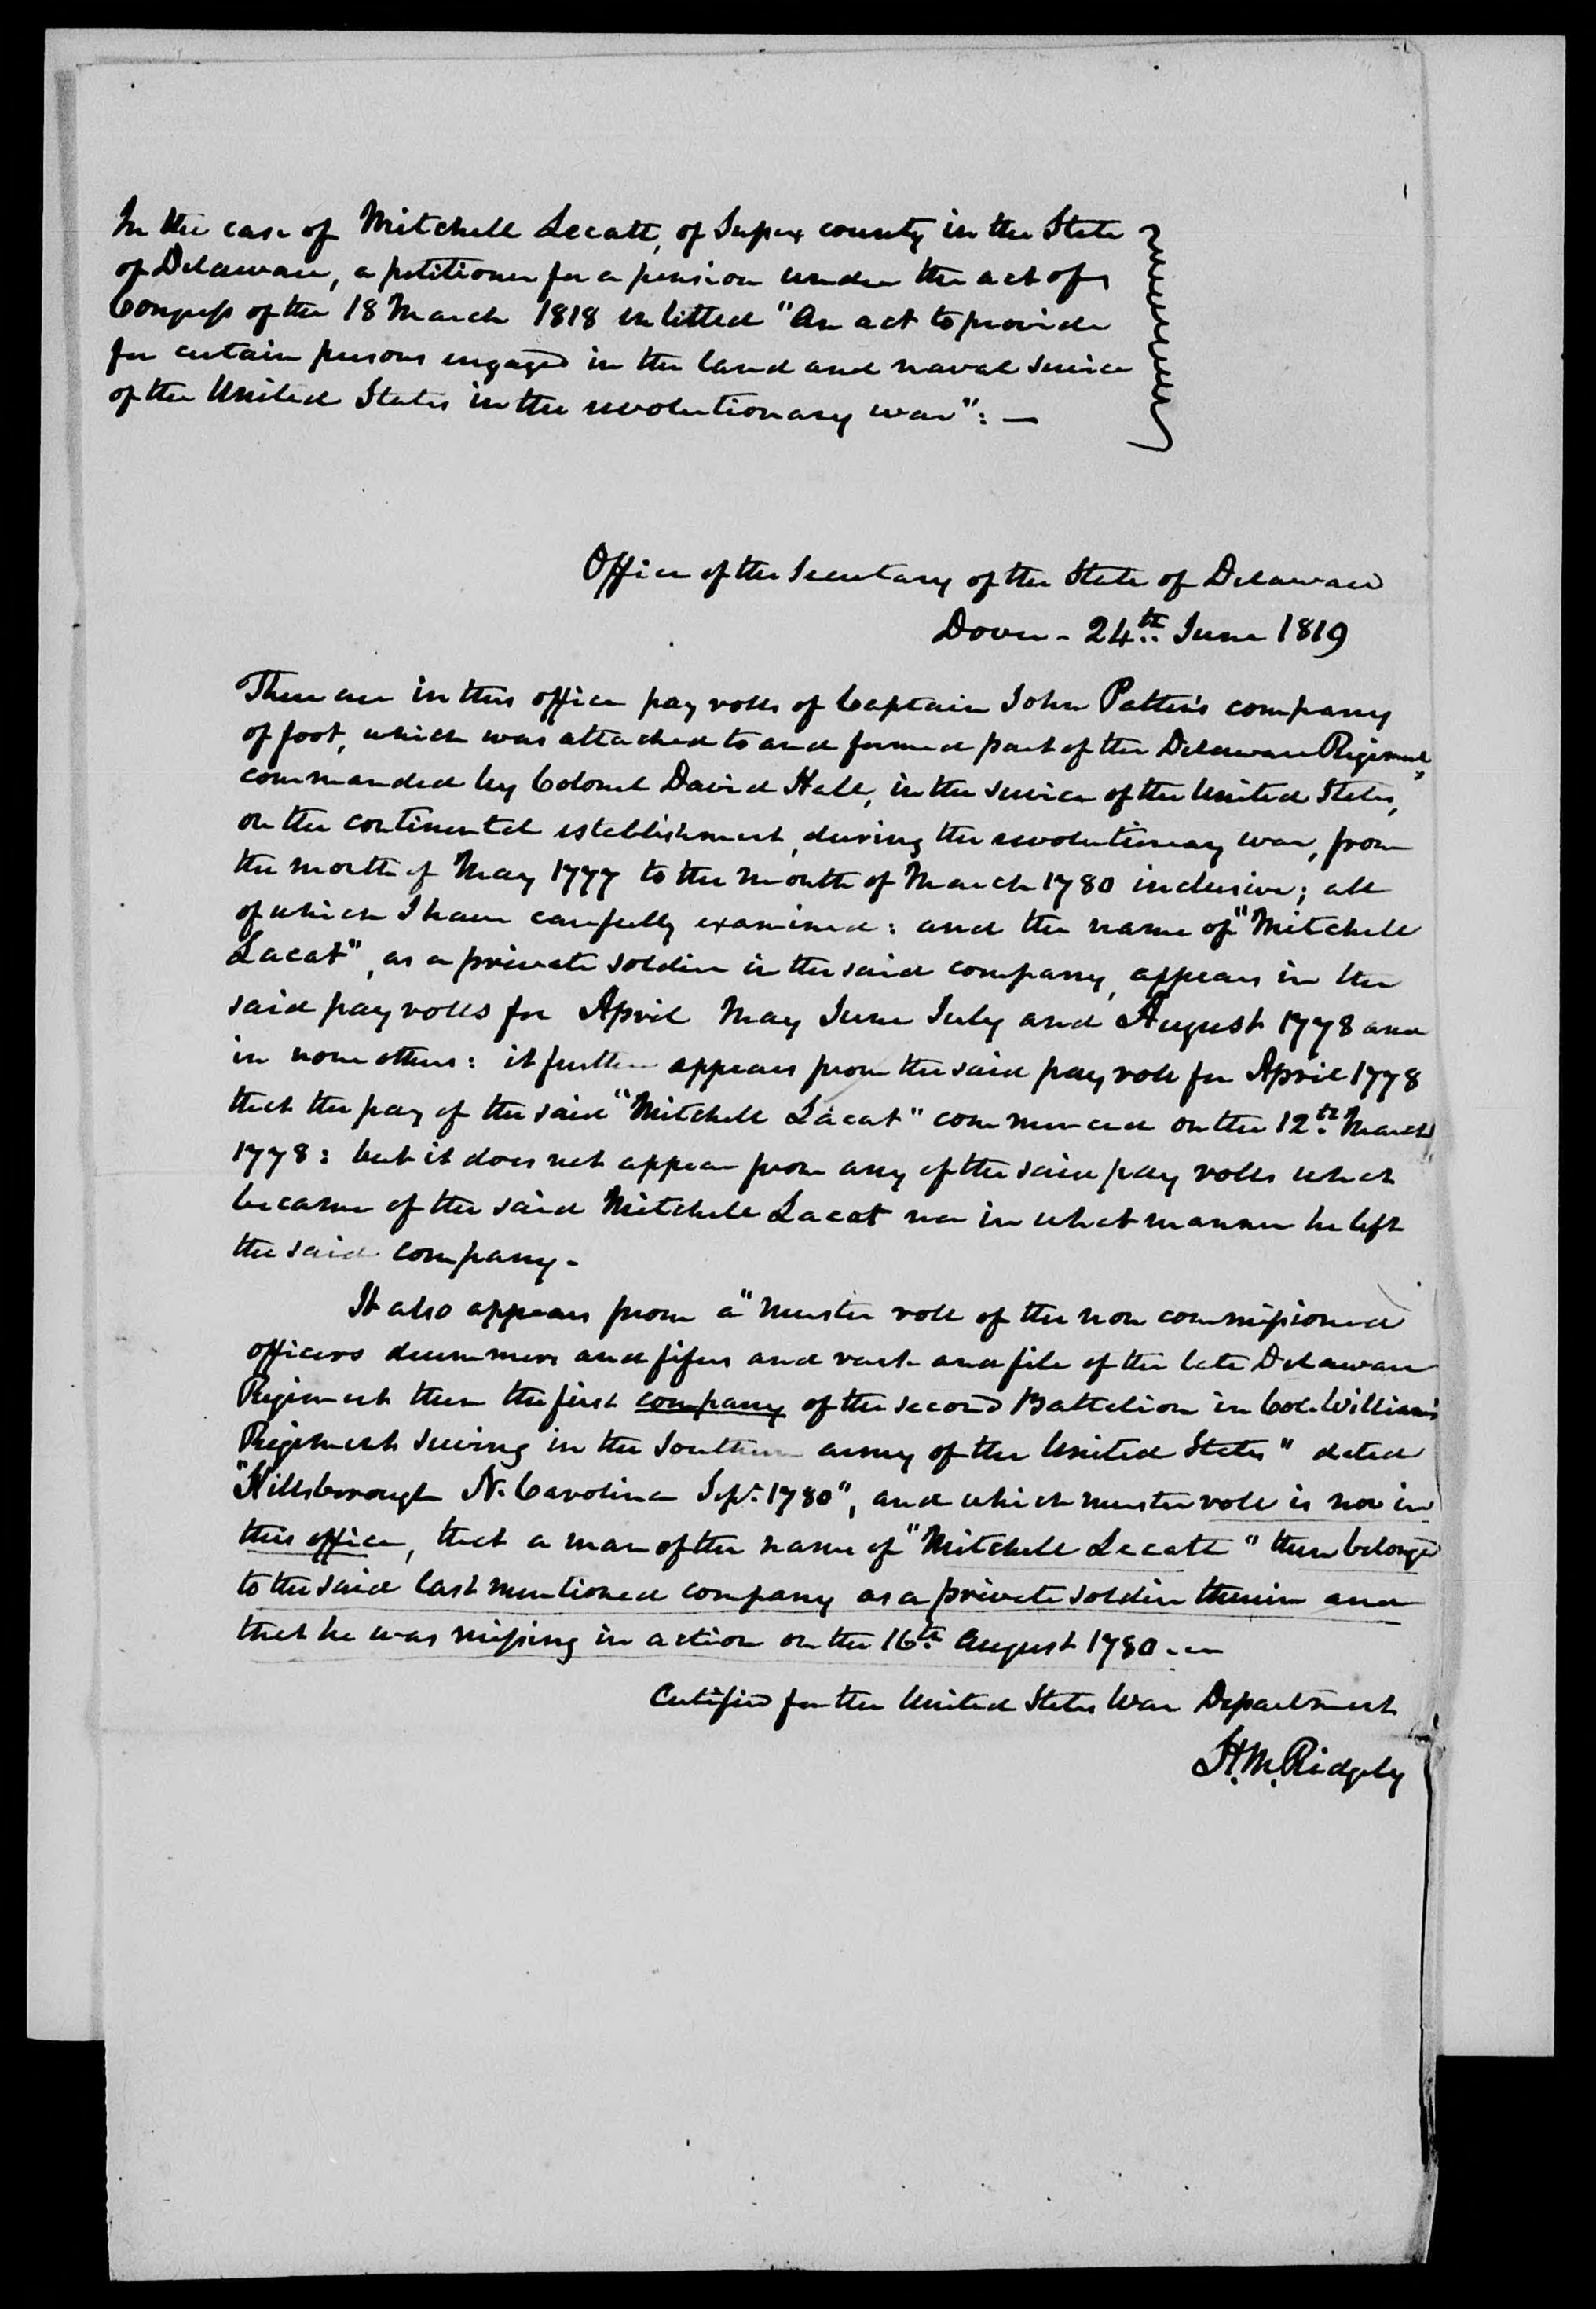In the case of Mitchell Lecatt, of Sussex county in the State of Delaware, a petitioner for pension under the act of Congress of the 18 March 1818 entitled "An act to provide for certain persons engaged in the land and naval service of the United States in the revolutionary war": -

Office of the Secretary of the State of Delaware
Dover - 24th June 1819
There are in this office pay rolls of Captain John Patten's company of foot, which was attached to and formed part of the Delaware Regiment commanded by Colonel David Hall, in the service of the United States, on the continental establishment, during the revolutionary war, from the month of May 1777 to the month of March 1780 inclusive; all of which I have carefully examined: and the name of "Mitchell Lacat", as a private soldier in the said company, appears in the said pay rolls for April May June July and August 1778 and in some others: it further appears from the said pay roll for April 1778 that the pay of the said "Mitchell Lacat" can now and on the 12th March 1778: but it does not appear from any other said pay rolls what became of the said Mitchell Lacat and in what manner he left the said company.
It also appears from a "muster roll of the non commissioned officers drummers and fifers and rank and file of the late Delaware Regiment then the first company of the second Battalion in Col. Williams' Regiment serving in the Southern army of the United States" dated "Hillsborough N. Carolina Sep. 1780", and which muster roll is now in this office, that a man of the name of "Mitchell Lecatt" there belonged to the said last mentioned company as a private soldier therein and that he was missing in action on the 16th August 1780.-
Certified for the United States War Department
[signed] H.M. Ridgely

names: David Hall; H M Ridgely; Mitchell Lecatt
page: 12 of 12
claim: survivor's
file: S. 36,040, for Mitchell Lecatt, Delaware